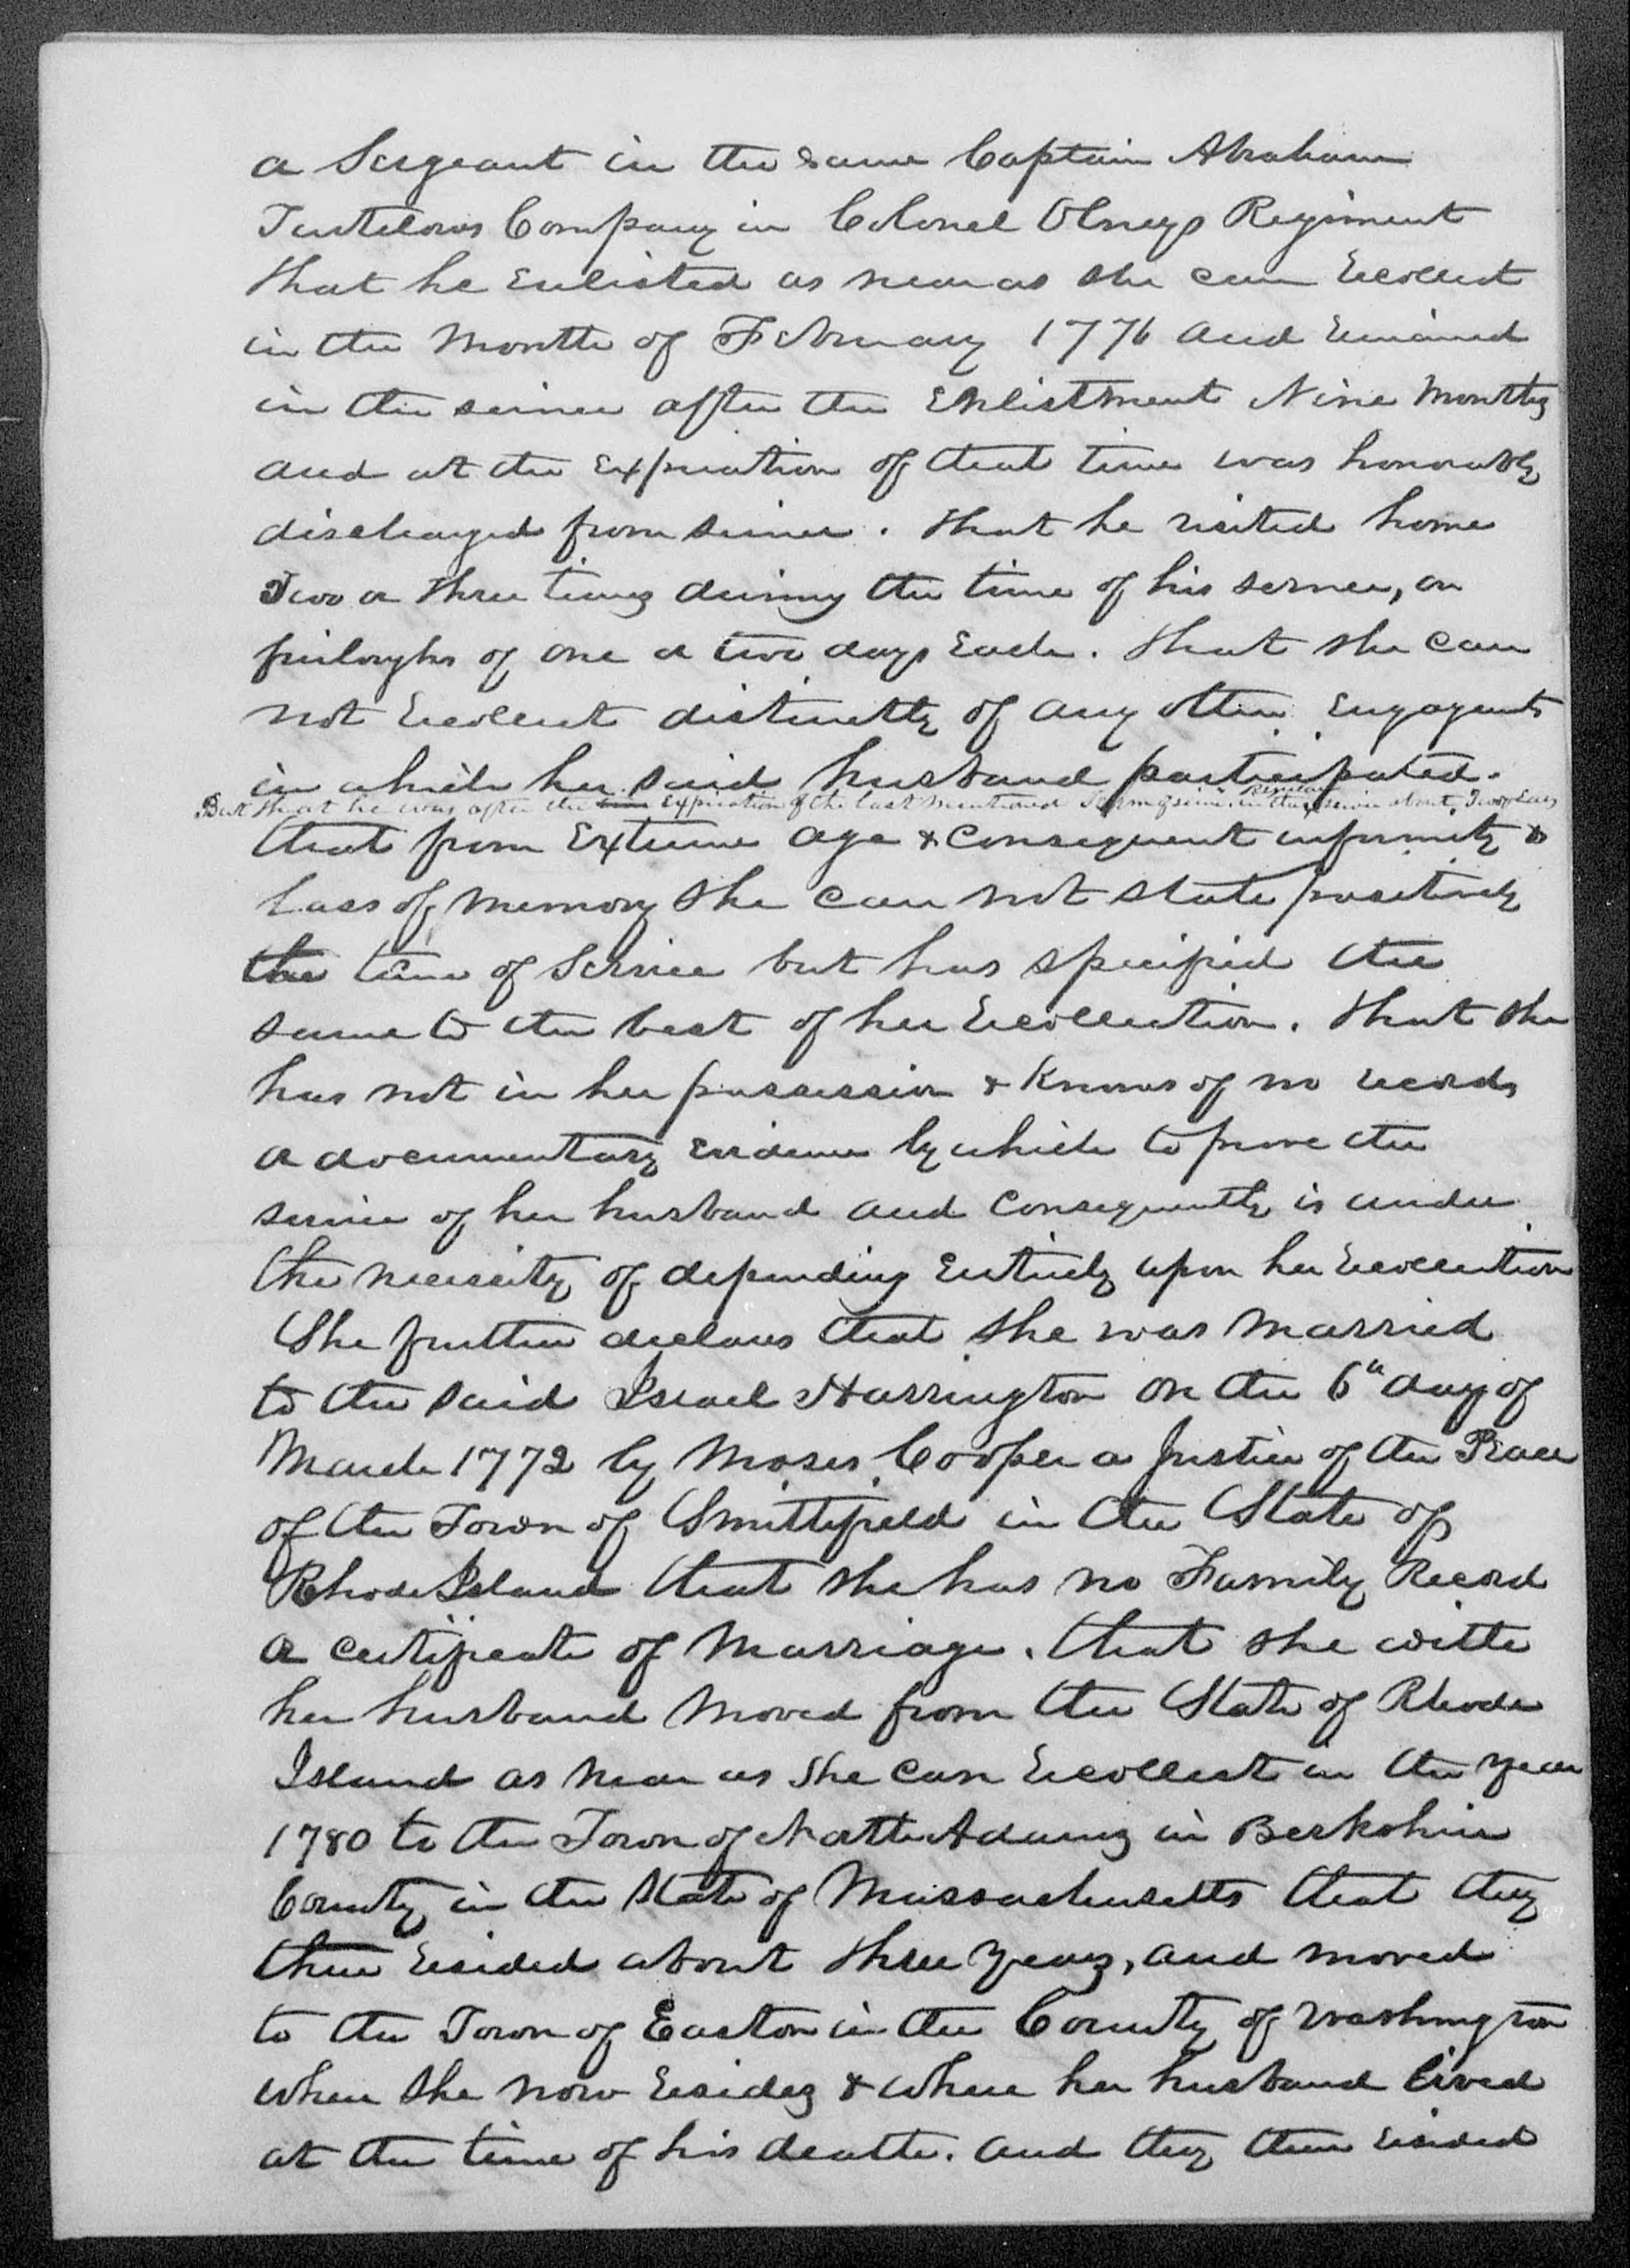a Sergeant in the same Captain Abraham Turtelows [Turtelow's] Company in Colonel Olneys [Olney's] Regiment that he enlisted as near as she can recollect in the month of February 1776 and remained in this service after the enlistment Nine months and at the Expedition of that time was honorably discharged from service, that he visited home two or three times during the time of his service, on furlough of one or two days each.  That she can
not recollect distinctly of any other engagements in which her said husband participated.

[Note between lines] But that he was after the Expedition of the last mentioned term of service [illegible].

that from Extreme age & consequent infirmity & loss of memory she can not state positively the times of Service but has specified the same to the best of her recollection.  That she has not in her possession & knows of no records or documentary evidence by which to provide the service of her husband and consequently is under the necessity of depending Entirely upon her recollection.

She further declares that she was married to the said Israel Harrington on the 6th day of March 1772 by Moses Cooper a Justice of the Peace of the Town of Smithfield in the State of Rhode Island that she has no Family Record or certificate of marriage, that she with her husband moved from the State of Rhode Island as near as she can recollect in the year 1780 to the Town of North Adams in Berkshire County in the State of Massachusetts that they there resided about three years, and moved to the Town of Easton in the County of Washington where she now resides & where her husband lived at the time of his death, and they then resided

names: Moses Cooper, Israel Harrington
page: 5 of 51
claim: widow's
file: W. 19,026, Israel Harrington, R.I.